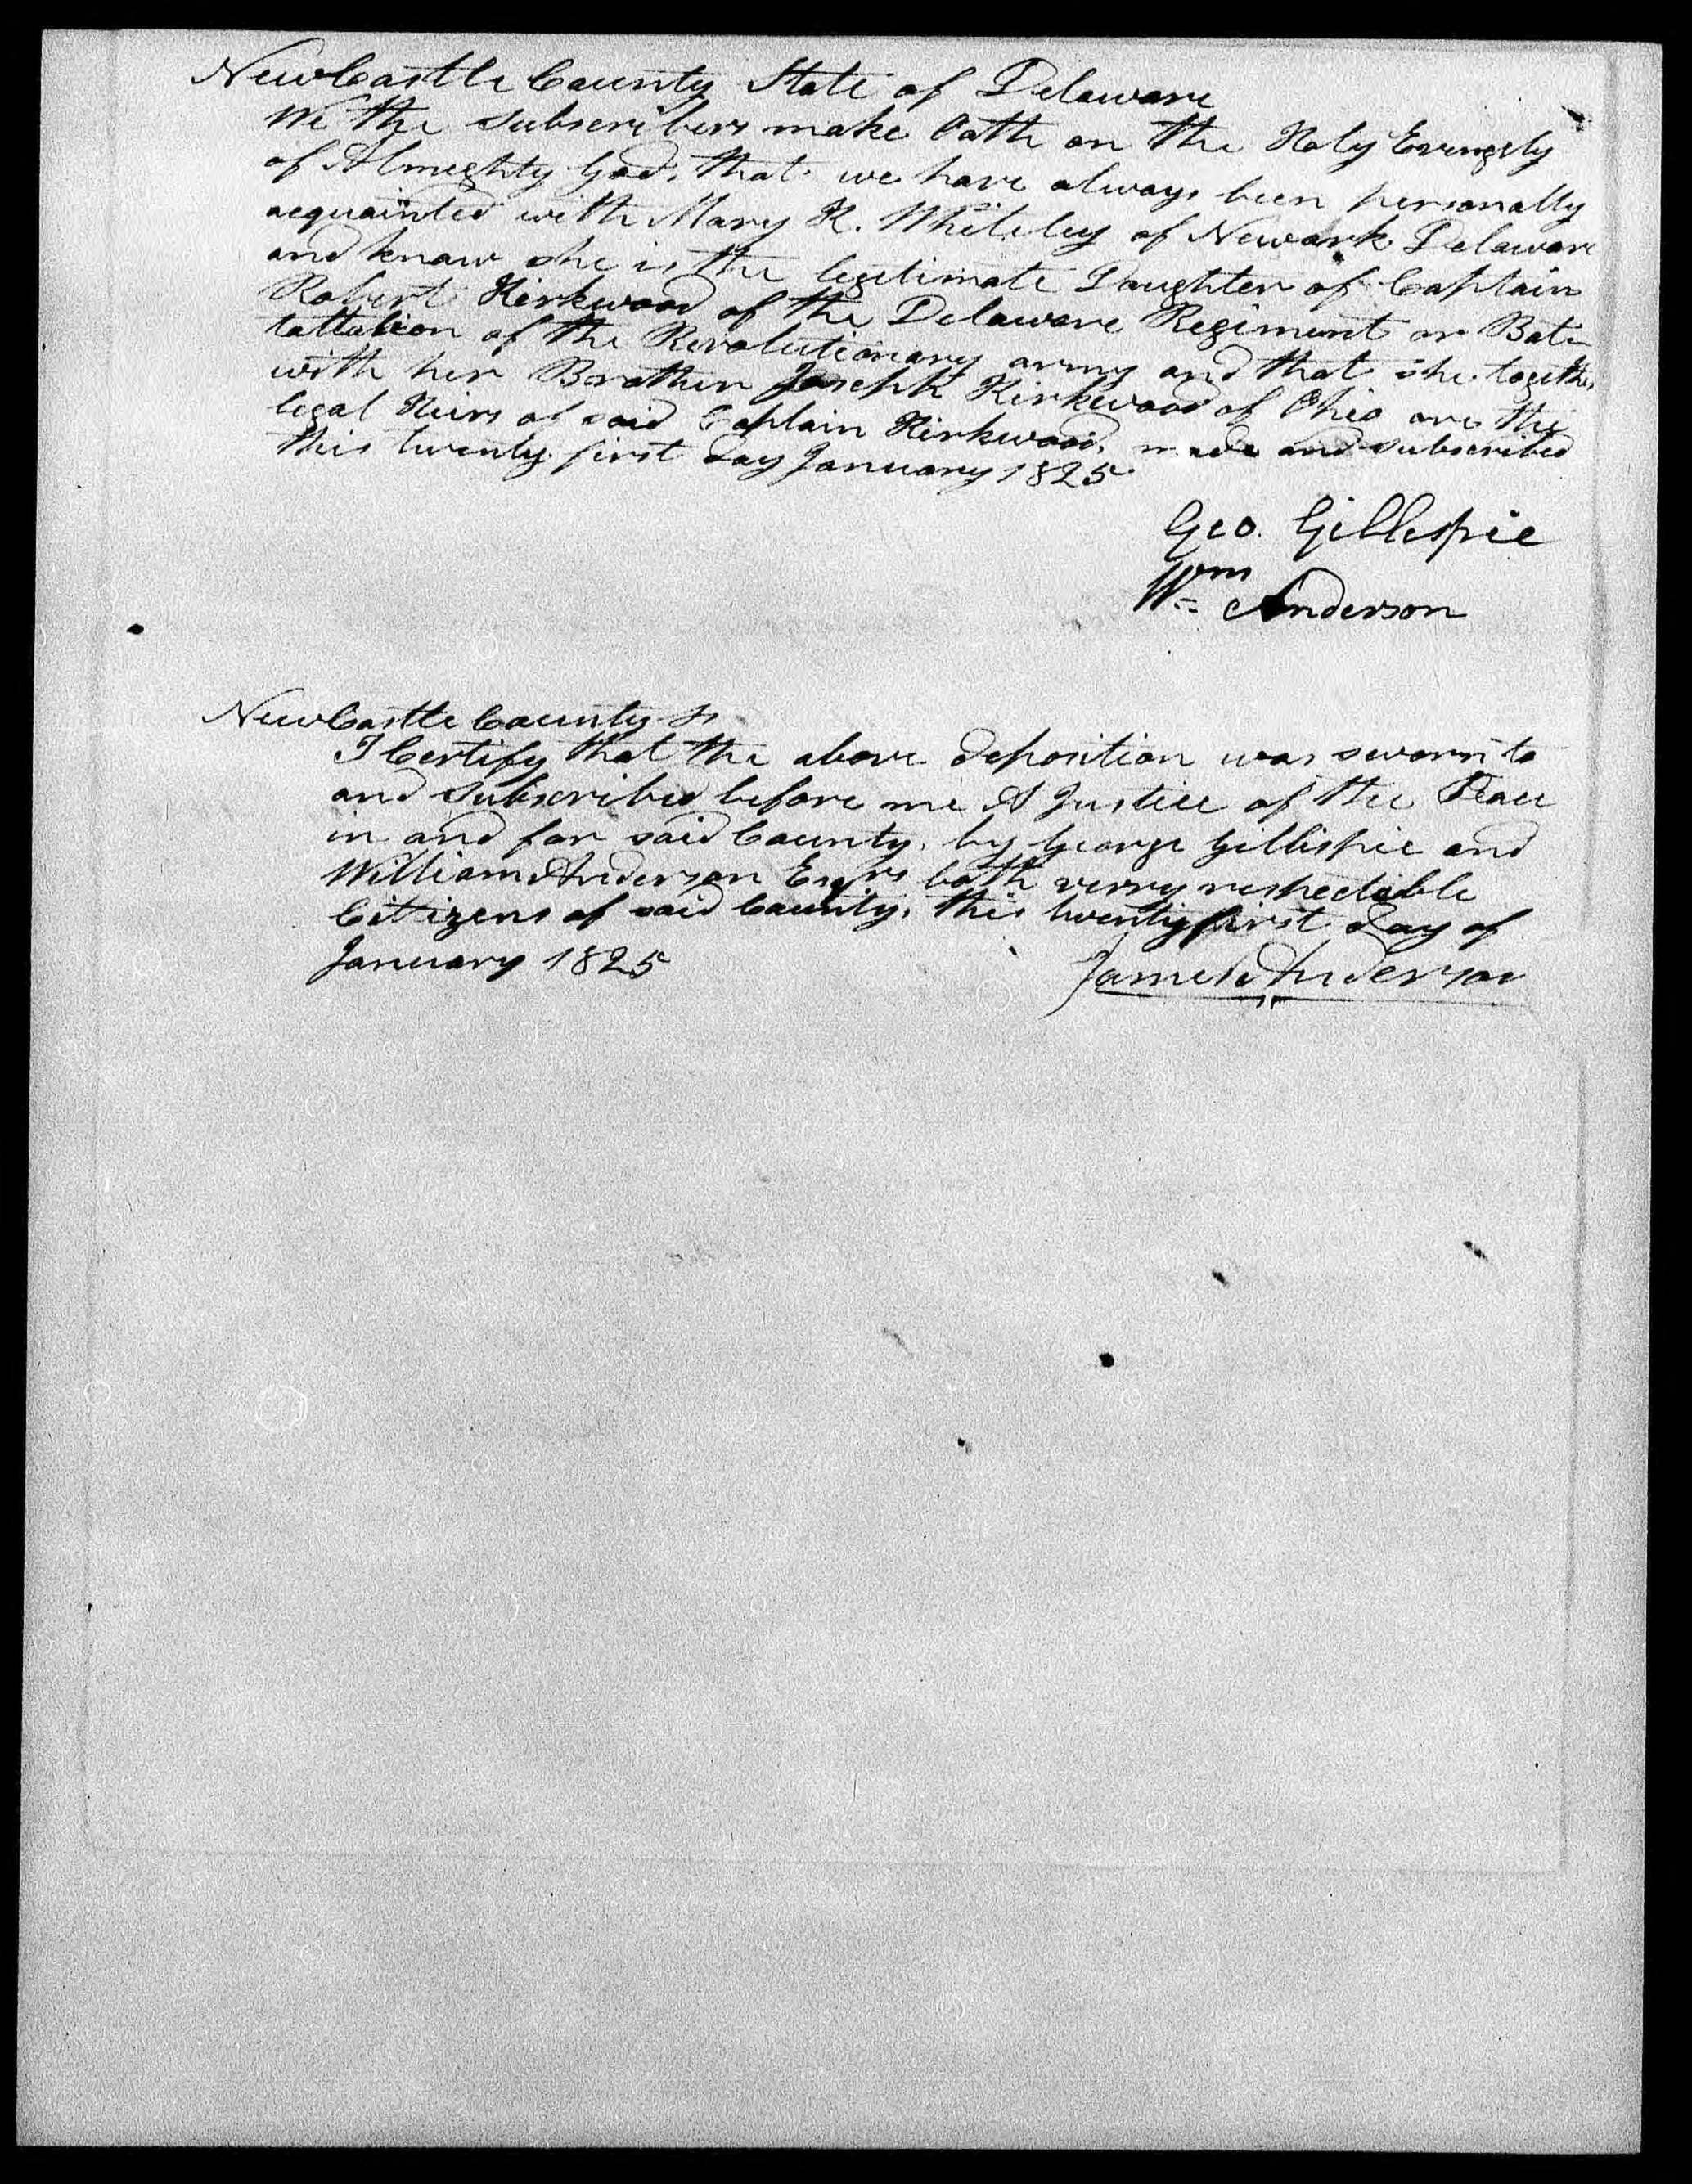New Castle County State of Delaware
We the subscribers make oath on the Holy Evangely
of Almighty God, that we have always been personally
acquainted with Mary K. Whiteley
of Newark Delaware
and know, she is the legitimate daughter of Captain
Robert Kirkwood of the Delaware Regiment or Battalion of the Revolutionary army and that she together with her brother Joseph Kirkwood of Ohio are the legal heirs of said Captain Kirkwood made and subscribed
this twenty first day January 1825
and subscribed
Geo. Gillespie
Wm Anderson
New Castle County
I certify that the above deposition was sworn to
and subscribed before me A Justice of the Peace
in and for said County by George Gillispie and
William Anderson Esqr both very respectable
Citizens of said County, this twenty first day of
January 1825
James Anderson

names: Mary K Whiteley; Geo Gillespie; William Anderson; Joseph Kirkwood; Wm Anderson; Robert Kirkwood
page: 4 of 20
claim: bounty land warrant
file: B. L. Wt. 1102-300, for Robert Kirkwood, Delaware